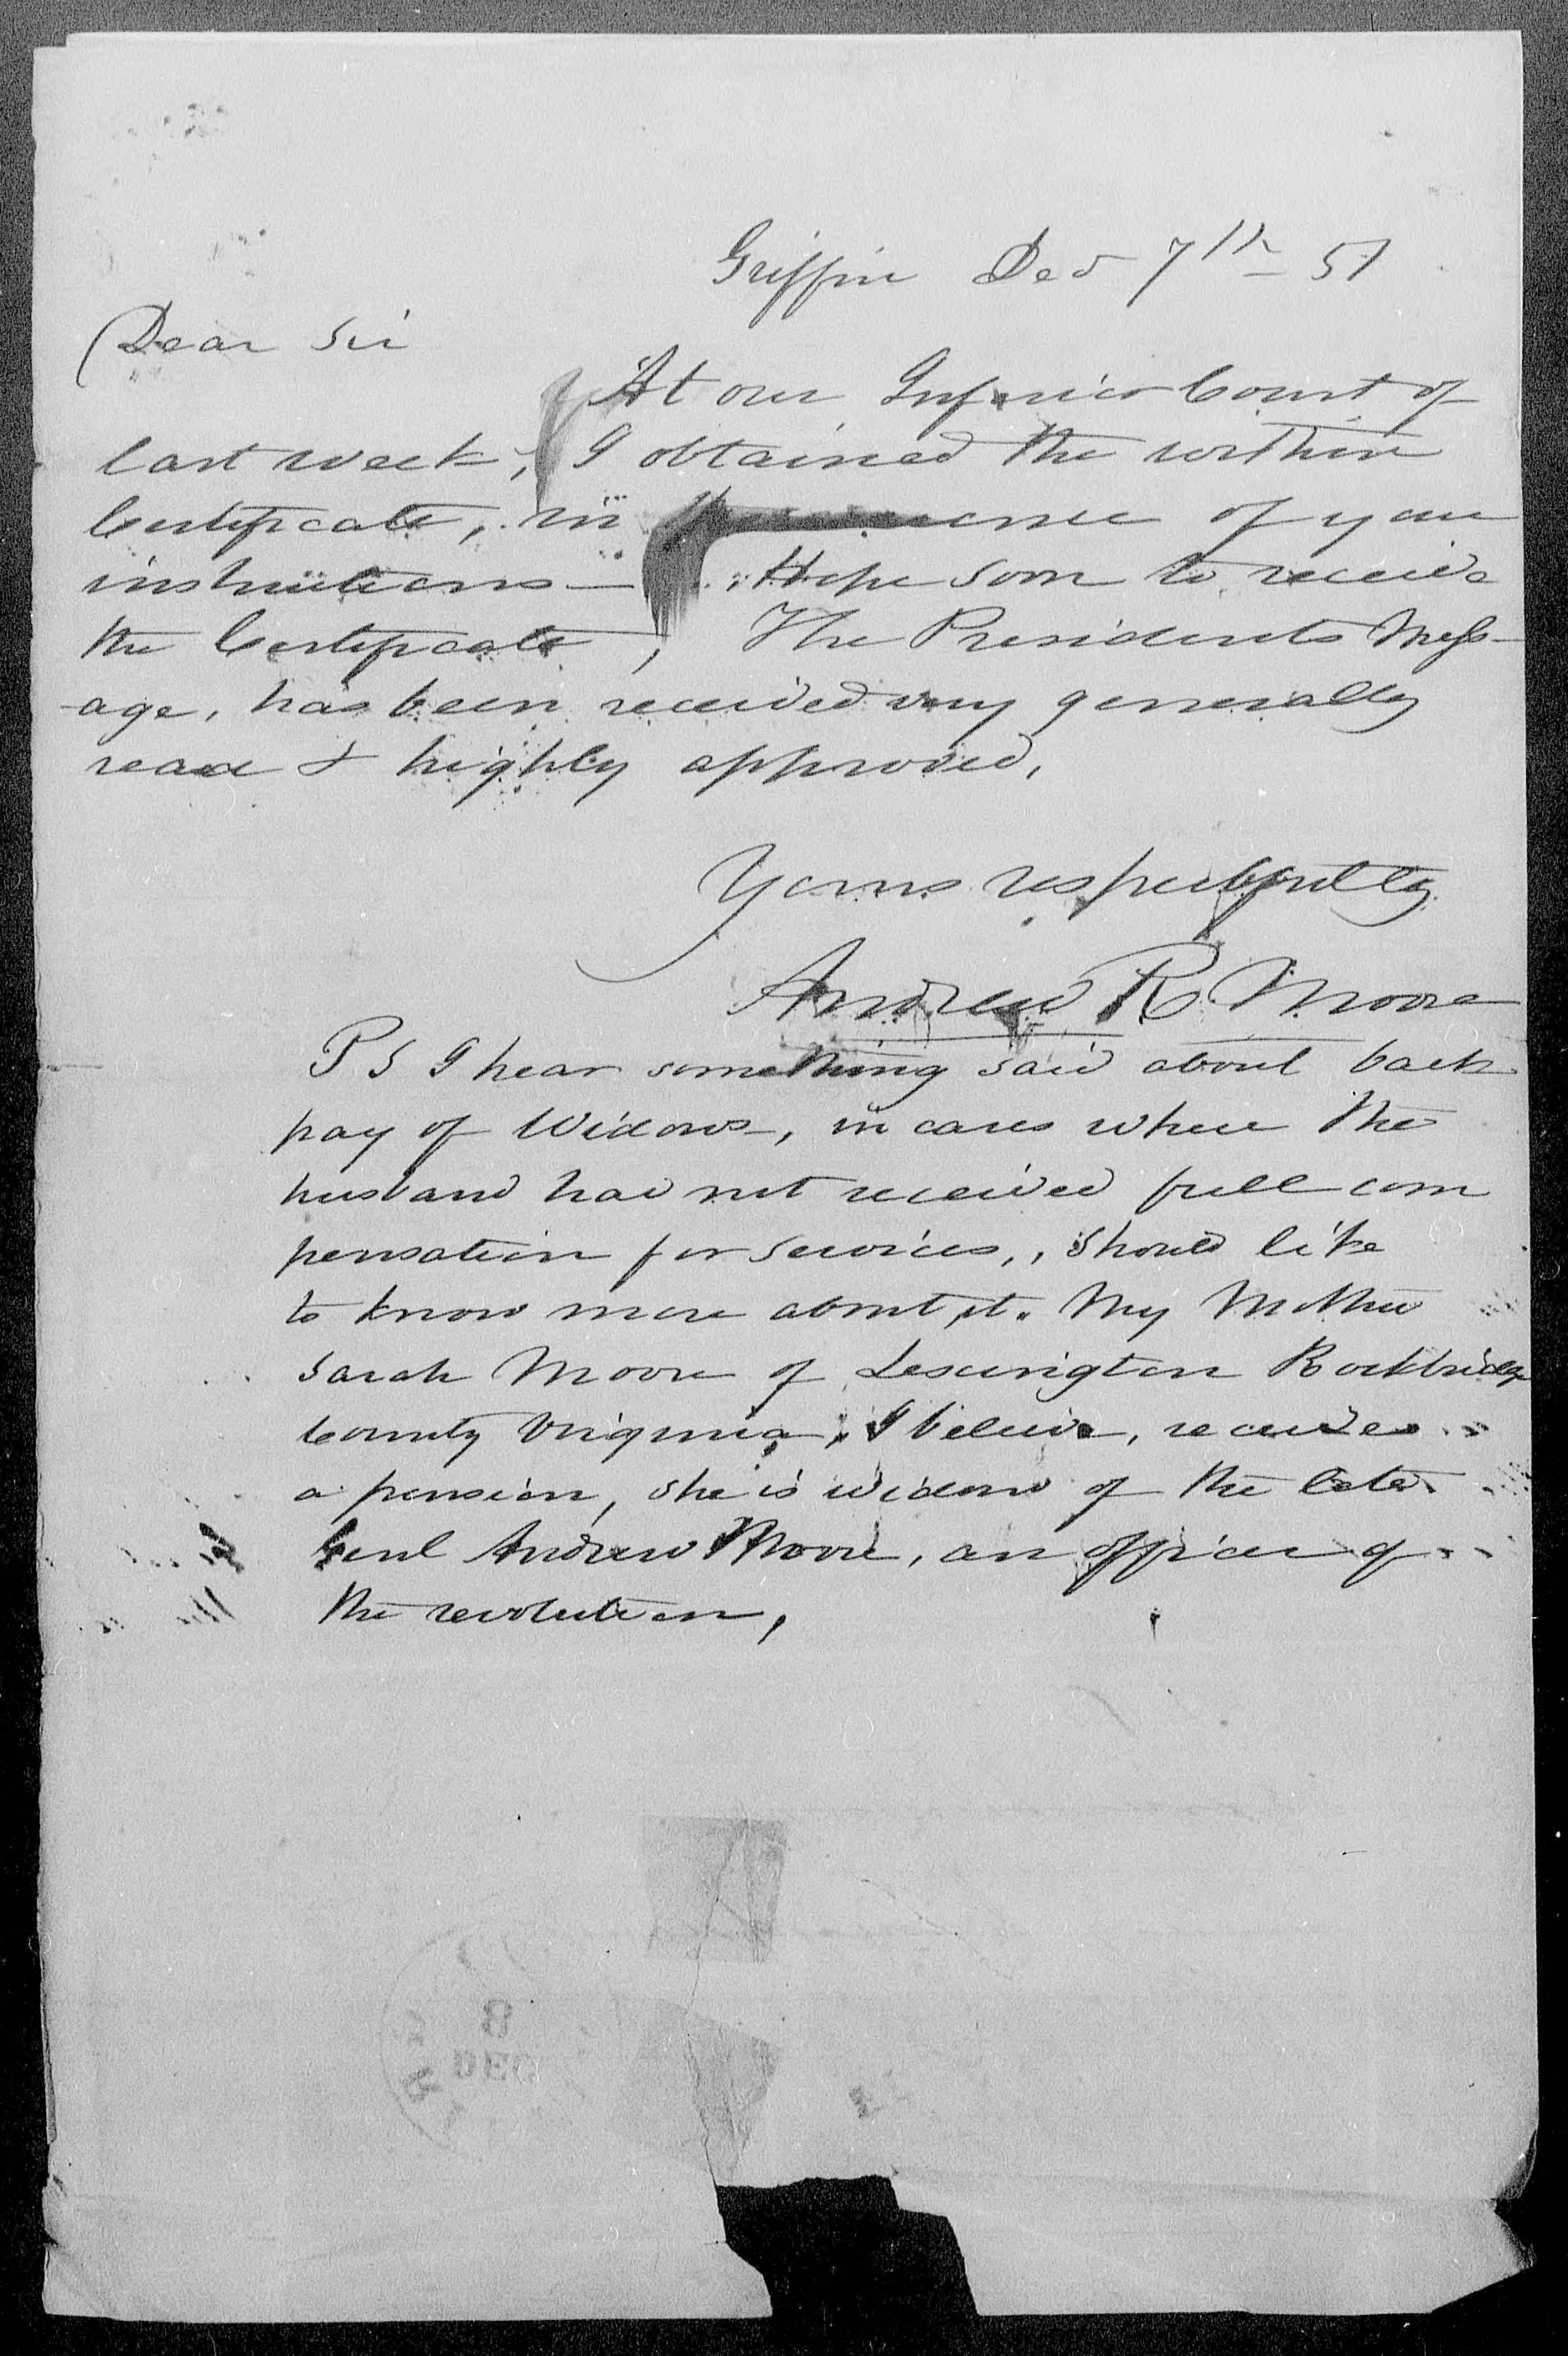Griffin Dec 7th 1857

Dear Sir,
At our Inferior Court of last week, I obtained the within certificate in the 
 _____ ense of your instructions. 
Hope soon to receive the 
certificate. 
The Presidents Message has been received very generally highly approved.
Yours respectfully
Andrew H Moore
-
P I hear something said about back
pay of Widows, in cases where the
husband had not received full com
pensation for services, should like
to know more about it, my Mother
Sarah Moore of Lexington Roll
County Virginia & I believe, receives
a pension, she is widow of the late
Genl Andrew Moore, an officer of
the revolution.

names: Sarah Moore, Andrew R Moore, Andrew Moore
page: 60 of 73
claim: widow's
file: W. 5,894, John Cash, Va.